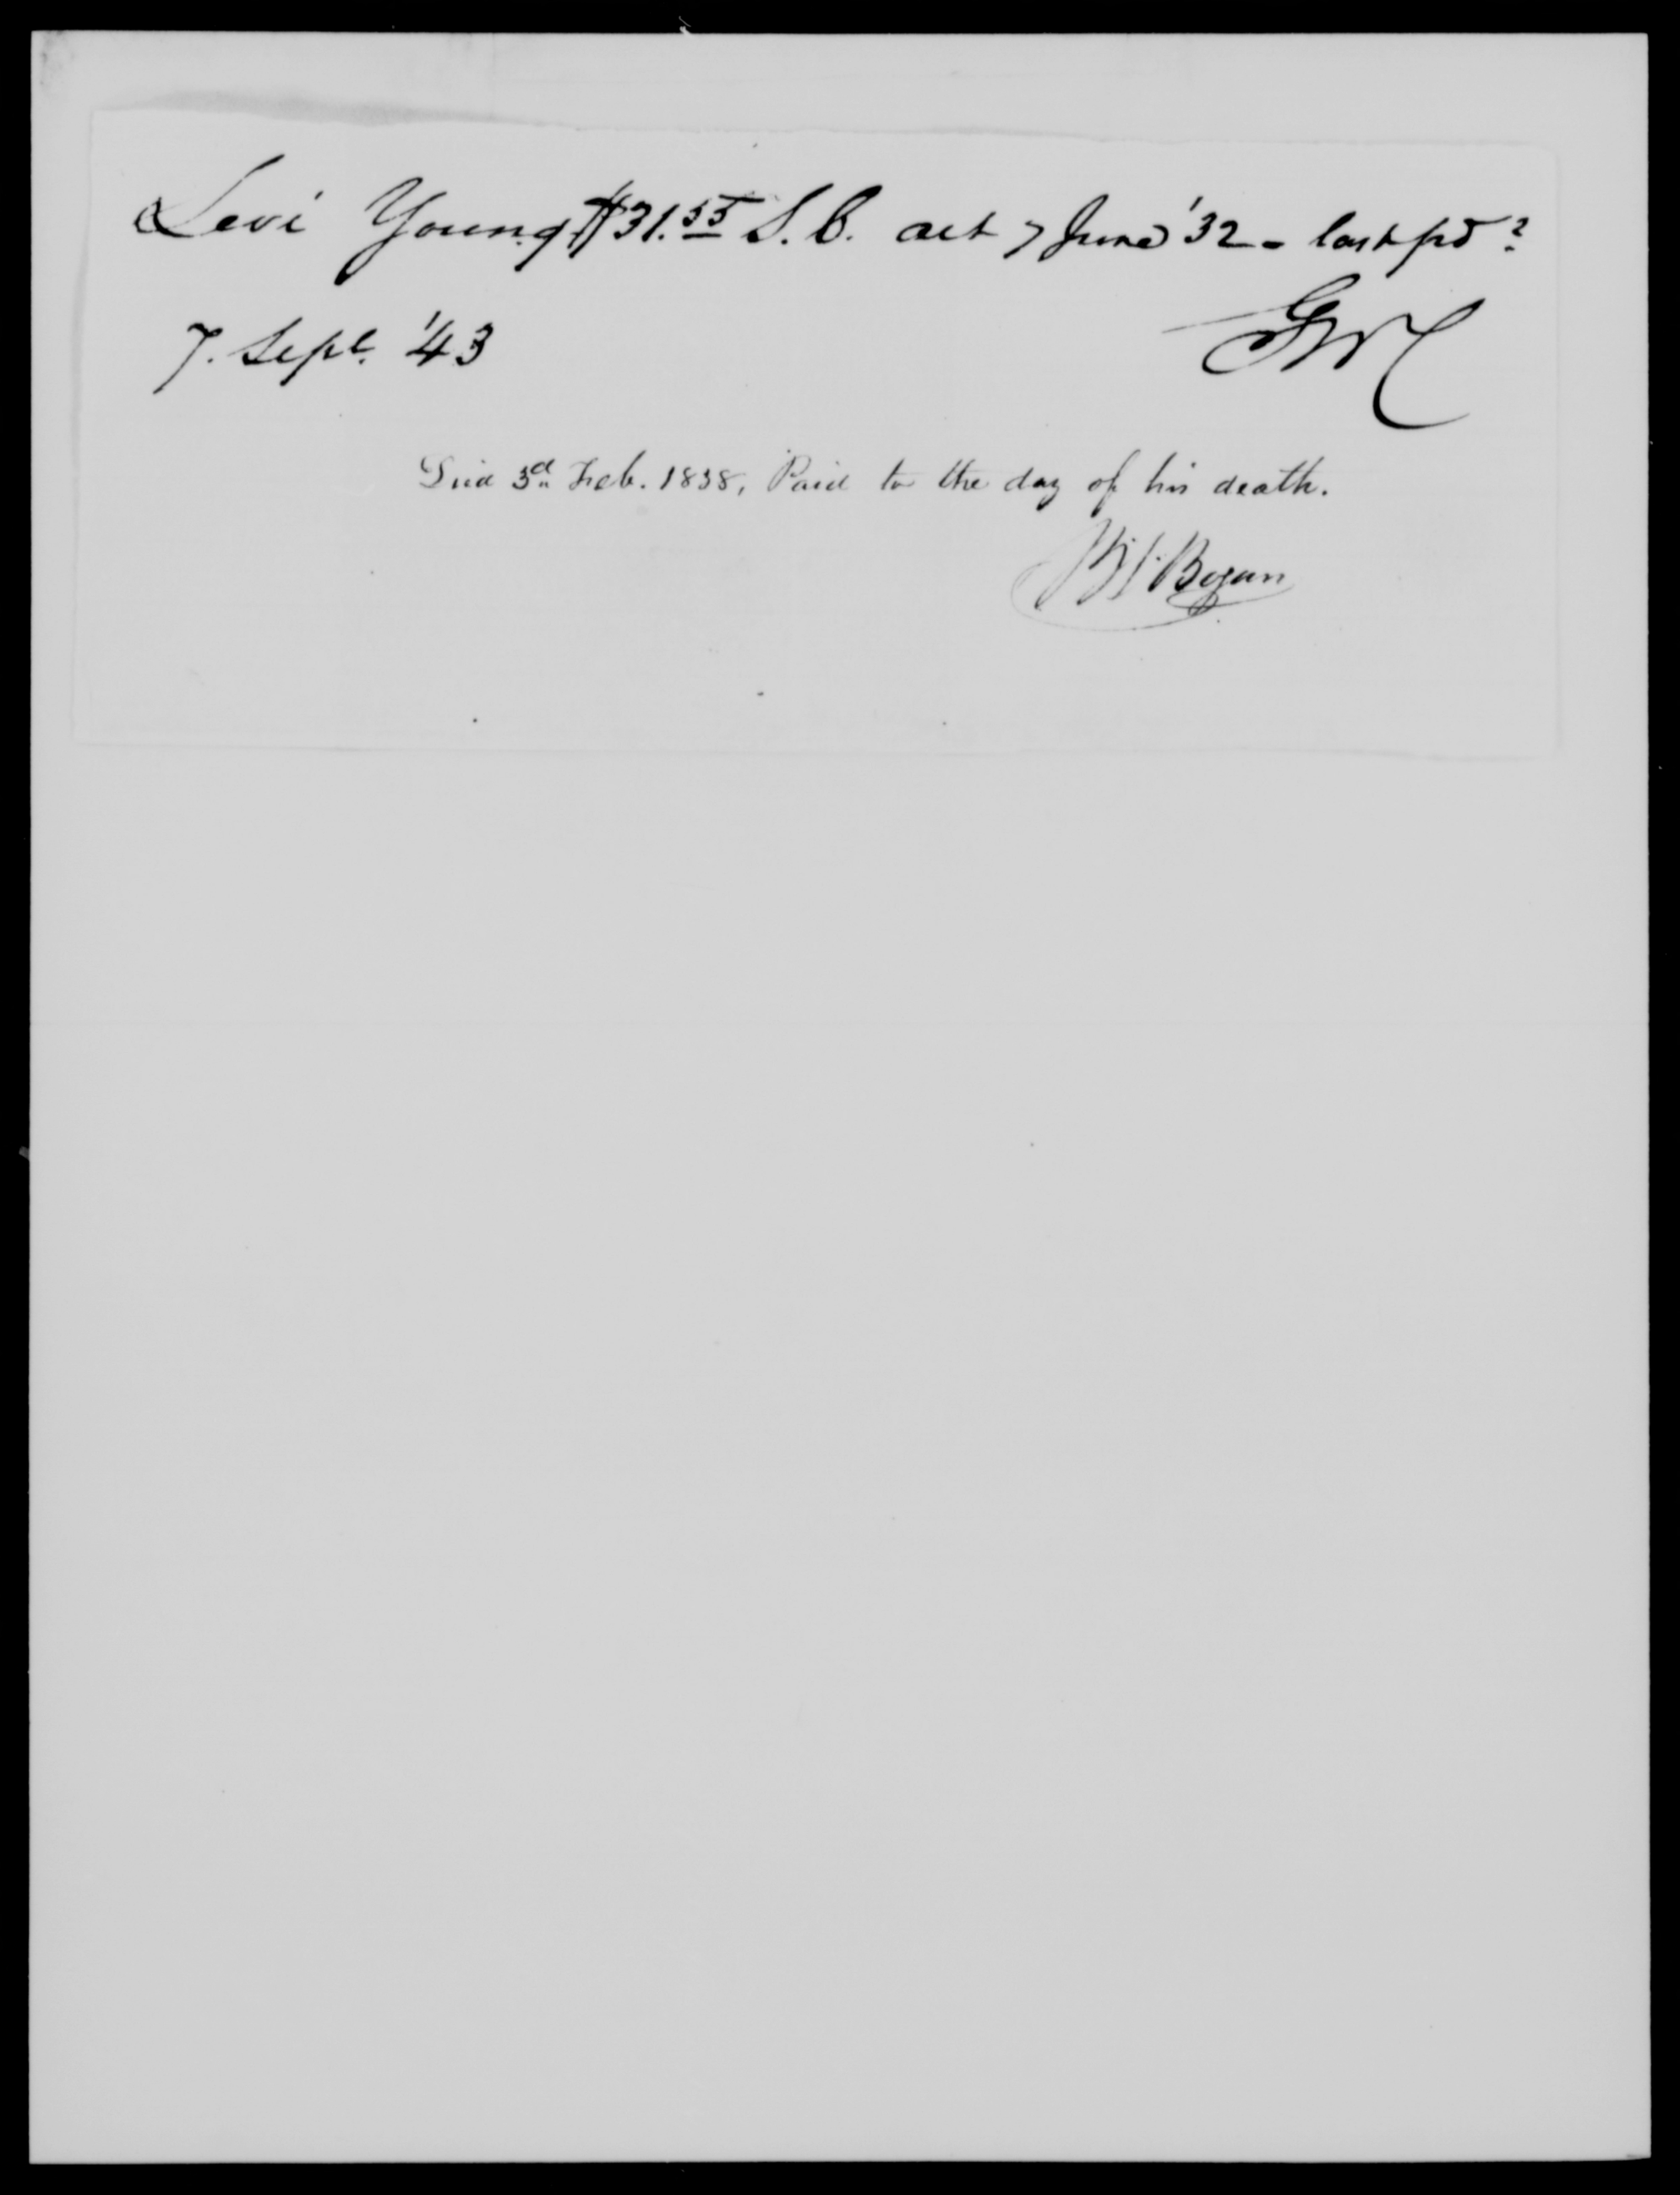Levi Young $32.55 S.C. [South Carolina] Act 7 June '32 [1832] last pd [paid] ?

7 Sept. '43 [1843]    GWC [G. William Crump]

Died 3d Feb. 1838, Paid to the day of his death.

B.S. Bogan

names: Levi Young, B S Bogan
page: 39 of 56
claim: widow's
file: W. 9040, Levi Young, Ga. New Jersey S.C.